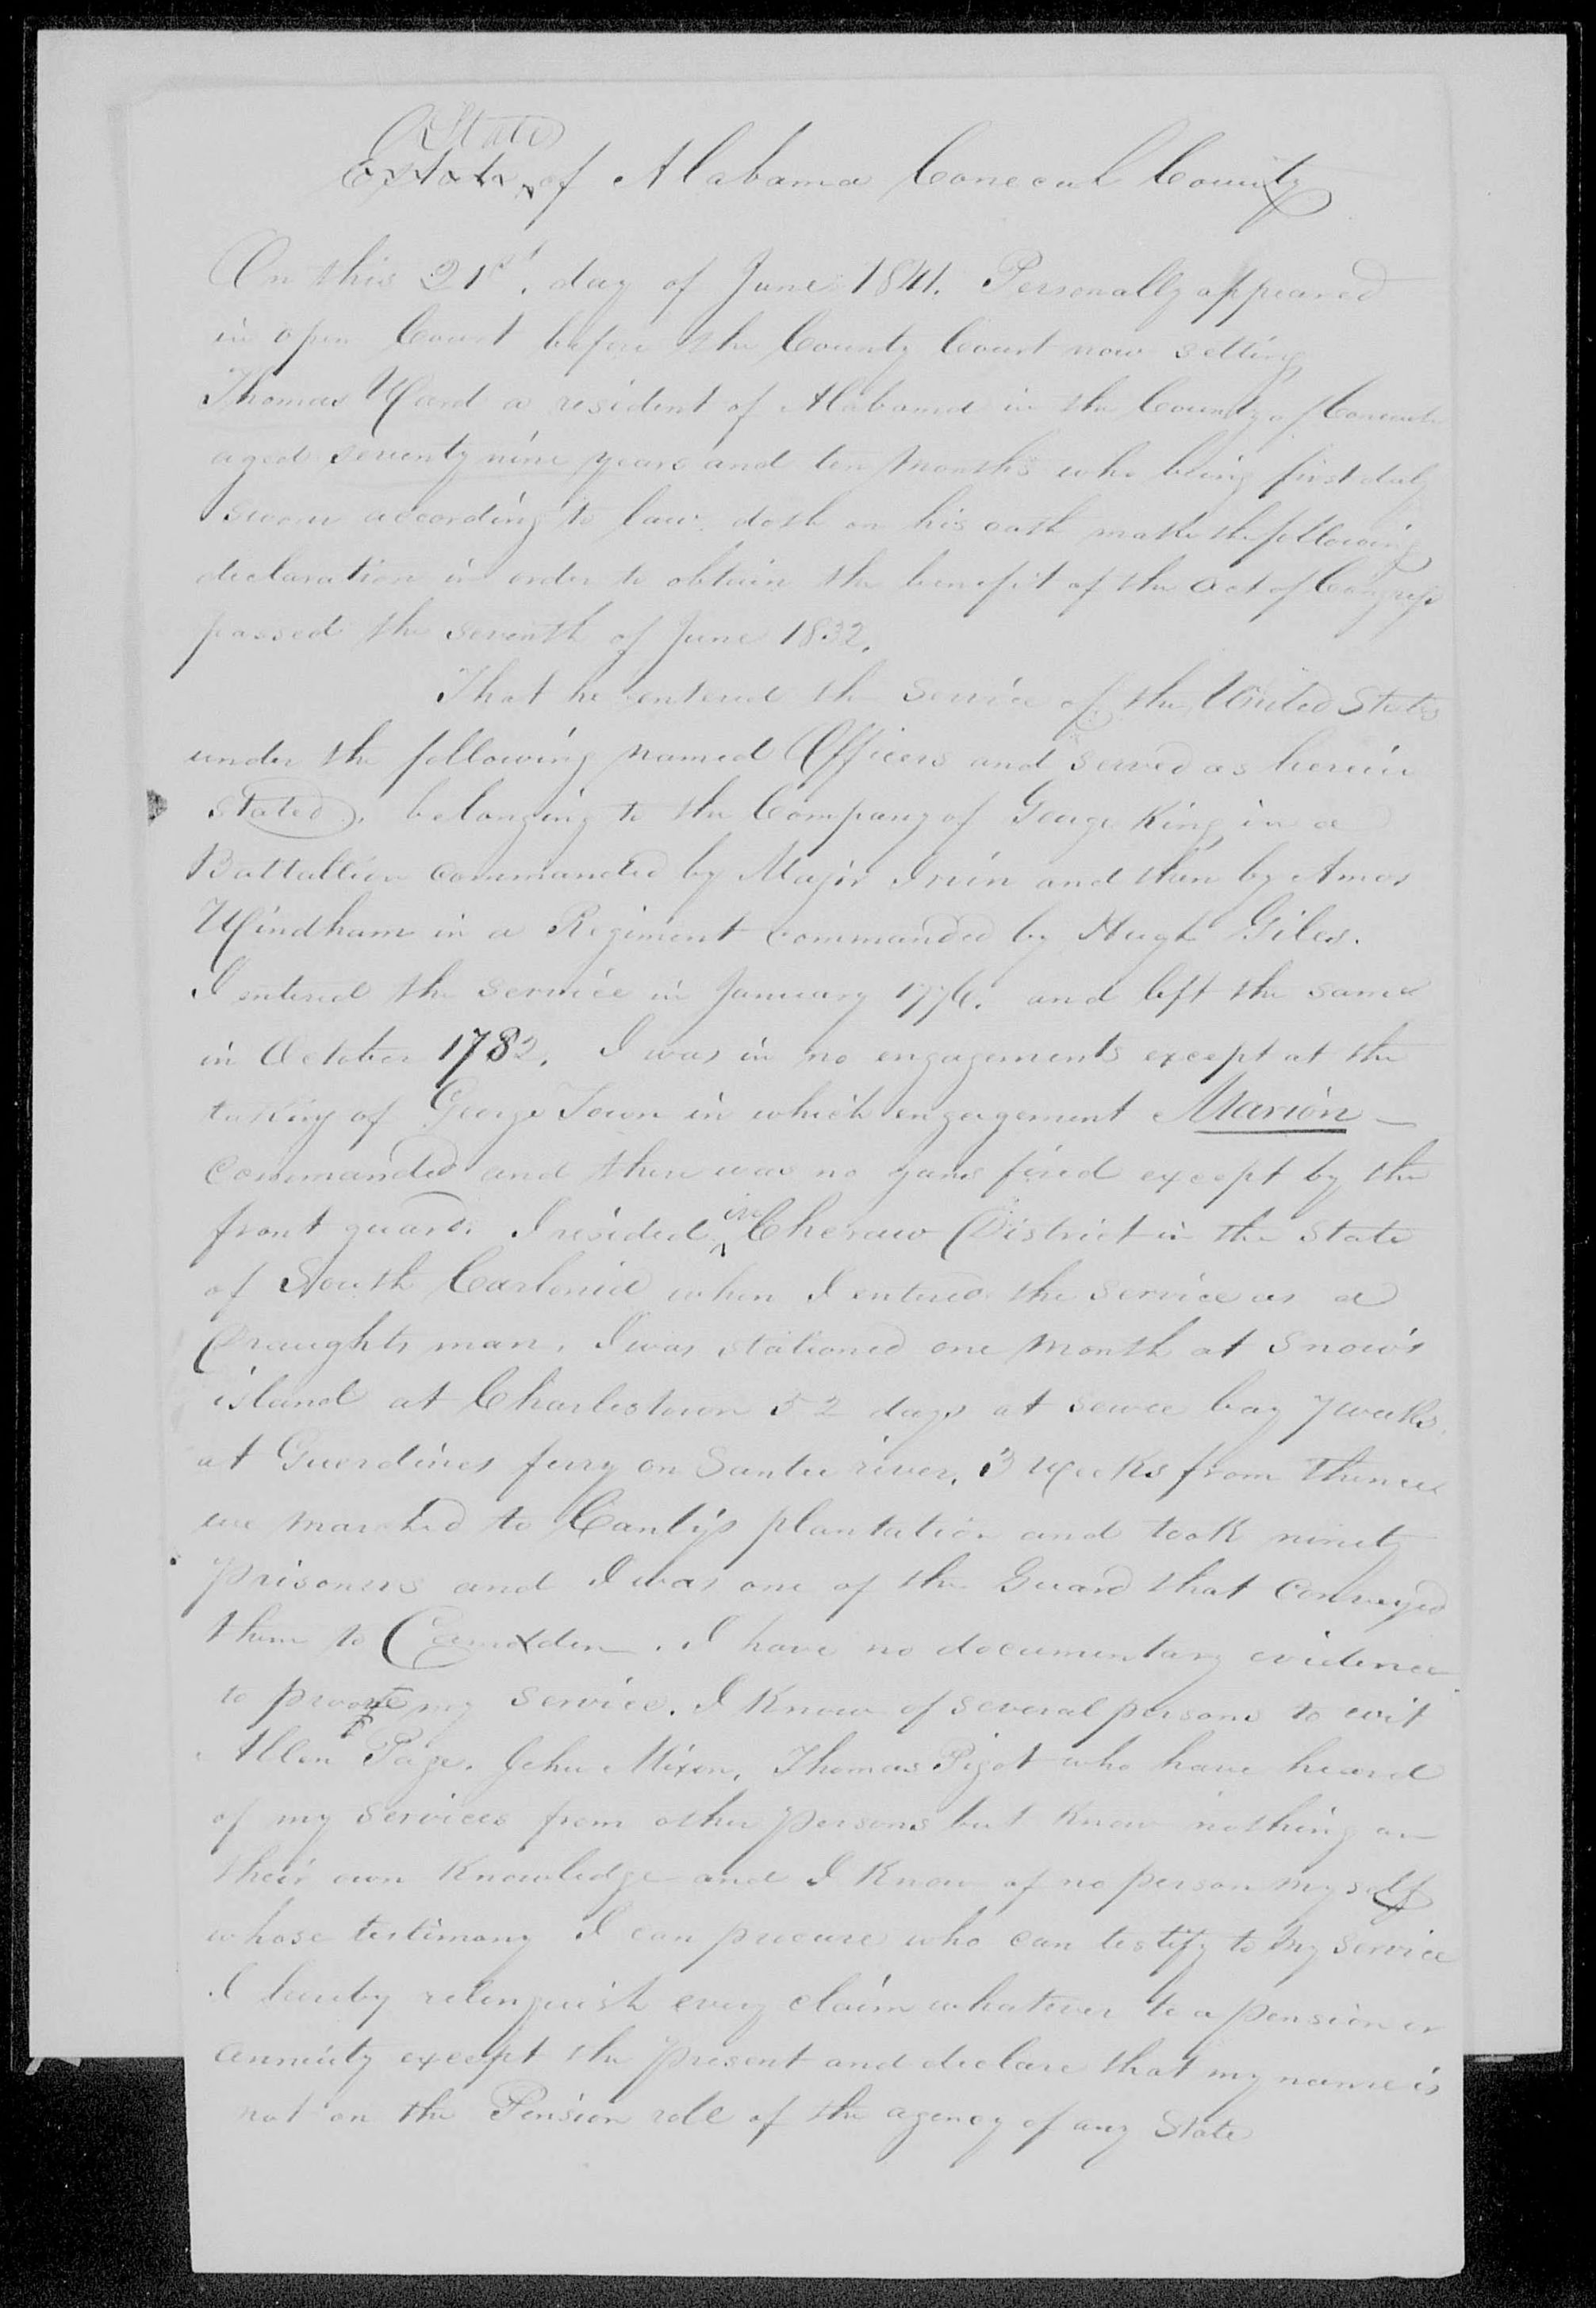[crossed out 'Estate'] State of Alabama  Conecuh County
On this 21st. day of June 1841.  Personally appeared in open Court before the county Court now setting, Thomas Ward a resident of Alabama in the County of Conecuh aged seventy nine years and ten months who being first duly sworn according to law.  doth on his oath make the following declaration in order to obtain the benefit of the act of Congress passed the seventh of June 1832.
That he entered the Service of the United States under the following named Officers and Served as herein Stated, belonging to the Company of George King in a Battallion commanded by Majir Irvin and then by Amos Windham in a Regiment commanded by Hugh Giles.  I entered the service in January 1776.  and left the same in October 1782.  I was in no engagements except at the taking of George Town in which engagement Marion [underlined]__ commanded and there was no guns fired except by the front guards.   I resided in Cherew District in the State of South Carolina when I entered the service as a draughts man.  I was stationed one month at Snow's island at Charleston 52 days at sewer bay 7 weeks at Guerdines ferry on Santee river.  3 weeks from thence we marched to Carly's plantation and took ninety prisoners and I was one of the Guard that conveyed them to Camdden.  I have no documentary evidence to prove my service.  I know of several persons to wit Allen Page. John Mixon.  Thomas Pigot who have heard of my services from other persons but know nothing on their own Knowledge and I Know of no person myself whose testimony I can procure who can testify to my service. I hereby relinquish every claim whatever to a pension or annuity except the present and declare that my name is not on the Pension roll of the agency of any state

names: George King, Hugh Giles, Amos Windham, John Mixon, Green, Marion, Wm Page, Thomas Ward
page: 30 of 31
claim: survivor's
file: S. 14802, Thomas Ward, S.C.